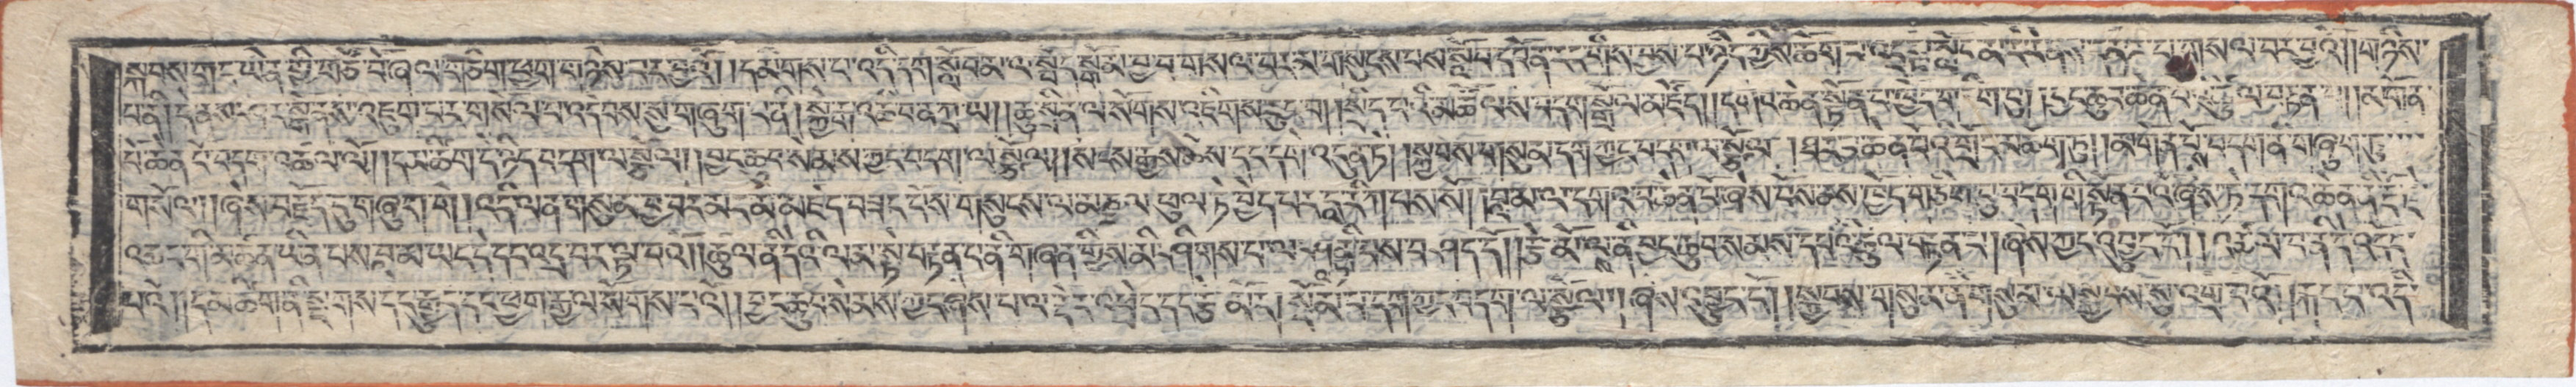སྐབས་གང་ཡིན་གྱི་གཙོ་བོ་ཞལ་གཅིག་ཕྱག་གཉིས་བར་བྱའོ། །དམིགས་པ་འདི་དག་སློབ་མ་ལ་སྤོད་སྒོམ་བྱ་བ་གསལ་བར་མ་གསུངས་པས་སློབ་དཔོན་རང་གིས་བྱས་པ་ཉིད་ཀྱིས་ཆོག་པ་འདྲ་སྟེ་སློབ་མ་རེ་རེ་ནས་དམིགས་པ་གསལ་བར་བྱའོ། །གཉིས་
པ་ནི། དེ་ནས་ཤར་སྒོ་ནས་འཇུག་པར་གསོལ་པ་འདེབས་སུ་གཞུག་པ་ནི། སྐྱེ་རྒ་འཆི་བ་ན་ཀྲ་ཡ། །ཆུ་སྲིན་ལ་སོགས་འཇིགས་རུང་བ། །སྲིད་པའི་མཚོ་ལས་བདག་སྒྲོལ་མཛོད། །དགའ་ཆེན་སྟོན་པ་ཁྱོད་གཅིག་པུ། །བྱང་ཆུབ་ཆེན་པོའི་ཚུལ་བརྟན་པ། །མགོན་
པོ་ཆེན་པོ་བདག་འཚལ་ལོ། །དམ་ཚིག་དེ་ཉིད་བདག་ལ་སྩོལ། །བྱང་ཆུབ་སེམས་ཀྱང་བདག་ལ་སྩོལ། །སངས་རྒྱས་ཆོས་དང་དགེ་འདུན་ཏེ། །སྐྱབས་གསུམ་དག་ཀྱང་བདག་ལ་སྩོལ། །ཐར་པ་ཆེན་པོའི་གྲོང་མཆོག་ཏུ། །མགོན་པོས་བདག་ནི་གཞུག་ཏུ་
གསོལ། །ཞེས་བརྗོད་དུ་གཞུག་གོ །འདི་ལན་གསུམ་བྱ་བར་མར་མེ་མཛད་བཟང་པོས་གསུངས་ལ་མཎྜལ་ཕུལ་ཏེ་བྱེད་པར་དཱ་རི་ཀ་པས་སོ། །བླ་མ་ལ་དགའ་བ་ཆེན་པོ་ཞེས་བོས་ནས་ཁྱོད་གཅིག་པུ་བདག་གི་སྟོན་པའོ་ཞེས་ཏེ་དགའ་ཆེན་ནི་རྡོ་རྗེ་
འཆང་གི་མཚན་ཡིན་པས་བླ་མ་ཡང་དེ་དང་འདྲ་བར་ལྟ་བའོ། །ཚུལ་ནི་དེའི་ལམ་སྟེ་བརྟན་པ་ནི་གཞན་གྱིས་མི་ཤིགས་པ་ལ་ཤཱནྟི་པས་བཤད་དོ། །རྩེ་མོ་ལས་ནི་བྱང་ཆུབ་སེམས་དཔའི་ཚུལ་བརྟན་པ། ཞེས་ཀྱང་འབྱུང་ངོ། །འཚལ་བ་ནི་དེ་འདོད་
པའོ། །དམ་ཚིག་ནི་སྔགས་དང་རྒྱུད་དང་ཕྱག་རྒྱལ་སོགས་པའོ། །བྱང་ཆུབ་སེམས་ཀྱང་ཞེས་པ་ལ་རྡོར་འཕྲེང་དང་རྩེ་མོར། སྡོམ་པ་དག་ཀྱང་བདག་ལ་སྩོལ། །ཞེས་འབྱུང་ངོ། །སྐྱབས་གསུམ་ནི་གསུམ་ལ་སྐྱབས་སུ་འགྲོ་བའོ། །རྐང་པ་འདི་